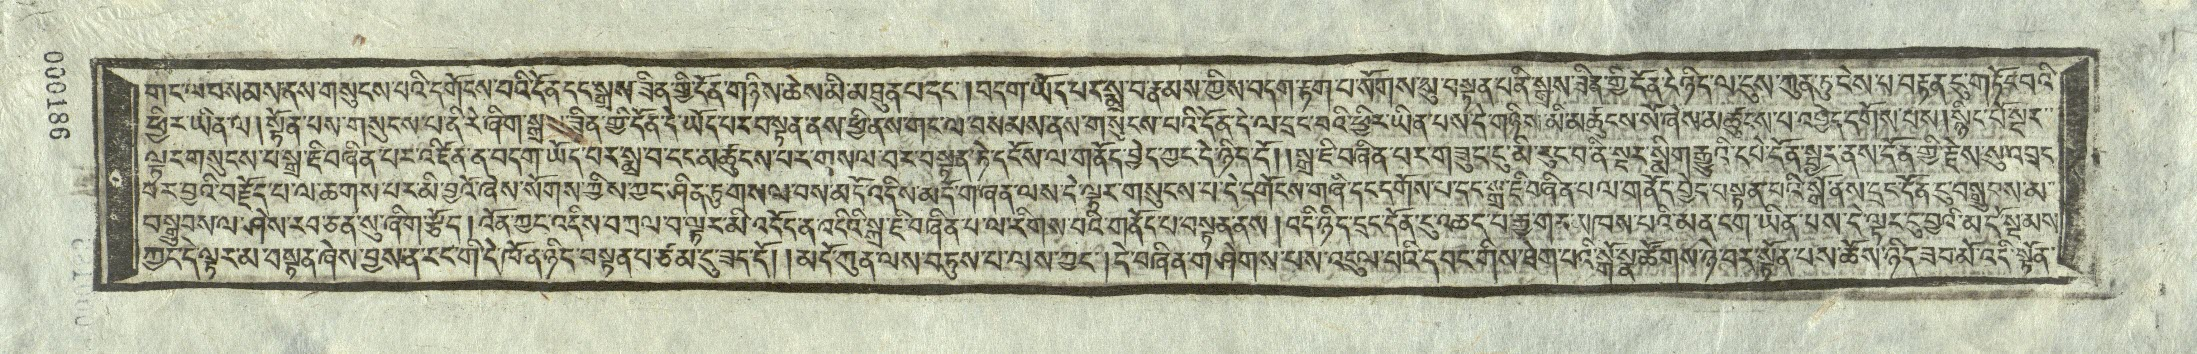གང་ལ་བསམས་ནས་གསུངས་པའི་དགོངས་པའི་དོན་དང་སྒྲས་ཟིན་གྱི་དོན་གཉིས་ཆེས་མི་མཐུན་པ་དང་། བདག་ཡོད་པར་སྨྲ་བ་རྣམས་ཀྱིས་བདག་རྟག་པ་སོགས་སུ་བསྟན་པ་ནི་སྒྲས་ཟིན་གྱི་དོན་དེ་ཉིད་ལ་དུས་ཀུན་ཏུ་ངེས་པ་བརྟན་དུ་གཏོང་བའི་
ཕྱིར་ཡིན་ལ། སྟོན་པས་གསུངས་པ་ནི་རེ་ཞིག་སྒྲས་ཟིན་གྱི་དོན་དེ་ཡོད་པར་བསྟན་ནས་ཕྱི་ནས་གང་ལ་བསམས་ནས་གསུངས་པའི་དོན་དེ་ལ་དྲང་བའི་ཕྱིར་ཡིན་པས་དེ་གཉིས་མི་མཚུངས་སོ་ཞེས་མཚུངས་པ་འབྱེད་དགོས་པས། སྙིང་པོ་སྔར་
ལྟར་གསུངས་པ་སྒྲ་ཇི་བཞིན་པར་འཛིན་ན་བདག་ཡོད་པར་སྨྲ་བ་དང་མཚུངས་པར་གསལ་བར་བསྟན་ཏེ་དངོས་ལ་གནོད་བྱེད་ཀྱང་དེ་ཉིད་དོ། །སྒྲ་ཇི་བཞིན་པར་གཟུང་དུ་མི་རུང་བ་ནི་སྔར་སྨིག་རྒྱུའི་དཔེ་དོན་སྦྱར་ནས་དོན་གྱི་རྗེས་སུ་འབྲང་
བར་བྱའི་བརྗོད་པ་ལ་ཆགས་པར་མི་བྱའོ་ཞེས་སོགས་ཀྱིས་ཀྱང་ཤིན་ཏུ་གསལ་བས་མདོ་འདིས་མདོ་གཞན་ལས་དེ་ལྟར་གསུངས་པ་དེ་དགོངས་གཞི་དང་དགོས་ལ་དང་སྒྲ་ཇི་བཞིན་པ་ལ་གནོད་བྱེད་བསྟན་པའི་སྒོ་ནས་དྲང་དོན་དུ་བསྒྲུབས་མ་
བསྒྲུབས་ལ་ཤེས་རབ་ཅན་སུ་ཞིག་རྩོད། འོན་ཀྱང་འདིས་བཀྲལ་བ་ལྟར་མི་འདོད་ན་འདིའི་སྒྲ་ཇི་བཞིན་པ་ལ་རིགས་པའི་གནོད་པ་བསྟན་ནས། འདི་ཉིད་དྲང་དོན་དུ་འཆད་པ་རྒྱ་གར་མཁས་པའི་མན་ངག་ཡིན་པས་དེ་ལྟར་དུ་བྱའི་མདོ་སྔ་མས་
ཀྱང་དེ་ལྟར་མ་བསྟན་ཞེས་བྱས་ན་རང་གི་དེ་ཁོ་ན་ཉིད་བསྟན་པ་ཙམ་དུ་ཟད་དོ། །མདོ་ཀུན་ལས་བཏུས་པ་ལས་ཀྱང་། དེ་བཞིན་གཤེགས་པས་འདུལ་བའི་དབང་གིས་ཐེག་པའི་སྒོ་སྣ་ཚོགས་ཉེ་བར་སྟོན་པས་ཆོས་ཉིད་ཟབ་མོ་འདི་སྟོན་